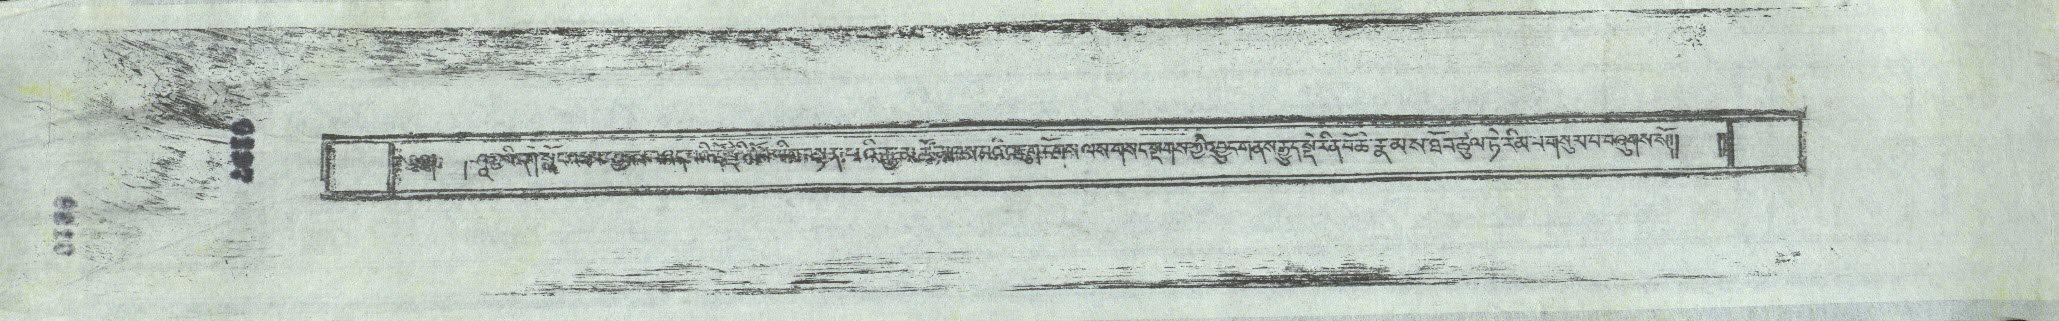༄༅། །ཤཱཀྱའི་དགེ་སློང་འཇམ་དབྱངས་བཞད་པའི་རྡོ་རྗེའི་ཐོབ་ཡིག་བསྟན་པའི་རྒྱ་མཚོ་མཁས་པའི་འཇུག་ངོགས་ལས་གསང་སྔགས་ཀྱི་འབྱུང་གནས་རྒྱུད་སྡེ་རིན་པོ་ཆེ་རྣམས་ཐོབ་ཚུལ་ཏེ་རིམ་པ་གསུམ་པ་བཞུགས་སོ།། །།